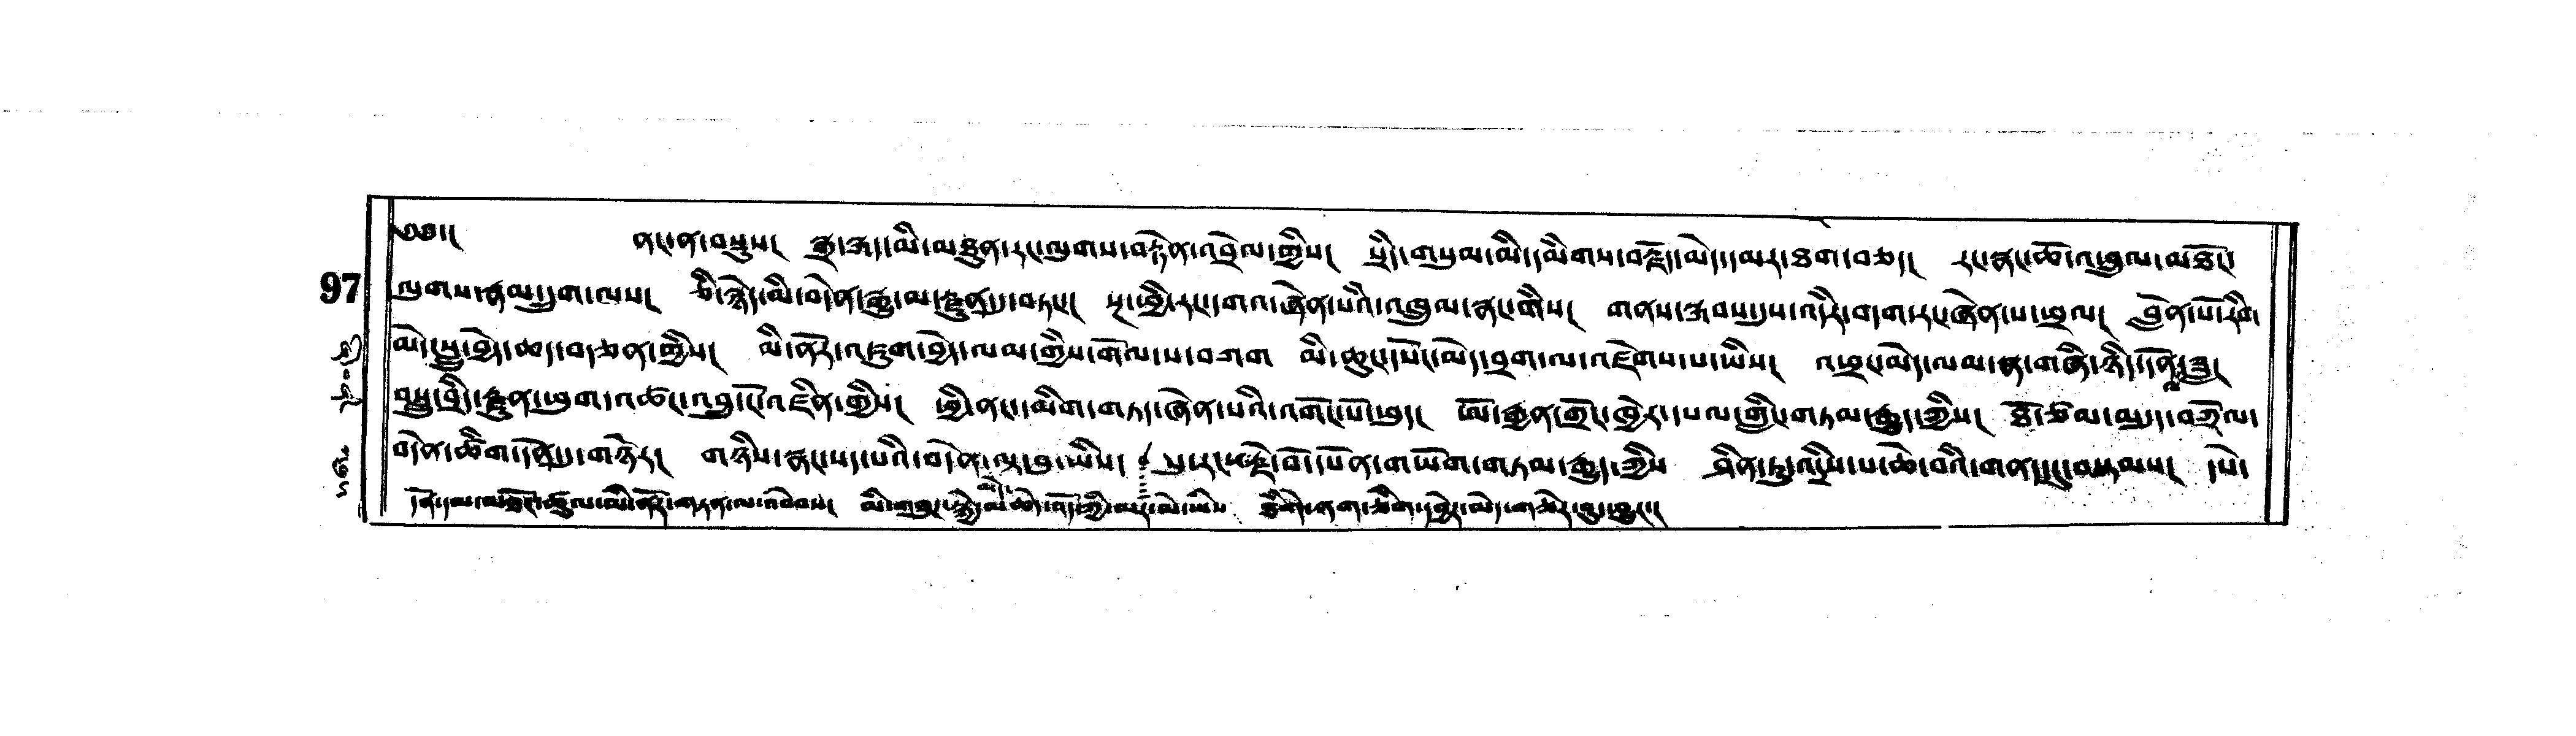ནང་ན་བསྡུས། སྒྲ་སྐད་མི་མཐུན་རང་ལུགས་རྟེན་འབྲེལ་གྱིས། སྲིད་གསུམ་མི་དམིགས་བརྗོད་མེད་དམར་ཐག་བཅད། རང་སྣང་ཆོ་འཕྲུལ་མཐོང་
སྣང་རྣམ་དྲུག་ལས། ཅི་སྙེད་མི་བདེན་སྒྱུ་མ་རྫུན་དུ་བཏང་། སྔ་ཕྱི་རང་དགའ་ཞེན་པའི་འཁྲུལ་སྣང་གིས། གནས་སྐབས་དུས་འདིར་བདག་རང་ཞེན་པ་བྲལ། བློན་པོ་རིག་
མེད་བསླུ་བྱེད་ཆད་བརྩན་གྱིས། མི་ནོར་འཇུག་བྱེད་ལམ་གྱི་གོ་ས་བཀག མི་ཆུང་དཔོང་མེད་བྲག་ལ་འཛེགས་པ་ཡིས། འཕྲང་མེད་ལམ་སྣང་གཞི་ཉིད་དོན་ལ་བཟླ། 
བསླུ་བྲིད་རྫུན་ཕུག་འཚང་འབྲུ་ངོ་འཛིན་གྱིས། ཕྱི་ནང་མིག་གཏད་ཞེན་པའི་འགོང་པོ་ཕུད། ཨོ་རྒྱན་གྲོང་ཁྱེར་དཔལ་གླིང་གཏམ་རྒྱུད་ཀྱིས། ཐོ་ཙམ་མདུད་བཀྲོལ་
བདེན་ཚིག་དོན་དུ་གཉེར། གཉིས་སྣང་སད་པའི་བདེན་མེད་ལྟ་བུ་ཡིས། དོན་དམ་མཐོང་ཚུལ་མི་ནོར་གཏན་ལ་འབེབས། མི་གཟུགས་སྐྱེ་མཆེད་འོད་ཀྱི་མར་མེ་ཡིས། ཐིག་ལེ་ཉག་ཅིག་དབྱེར་མེད་གཅེར་བུ་དབྱུང་། 
པུ་རང་རྗེ་བོ་དཔོན་གཡོག་གཏམ་རྒྱུད་ཀྱིས། ཤིན་ཏུ་འདྲེས་པ་ཆེ་བའི་གནད་དུ་བསྡམས། དཔེ་